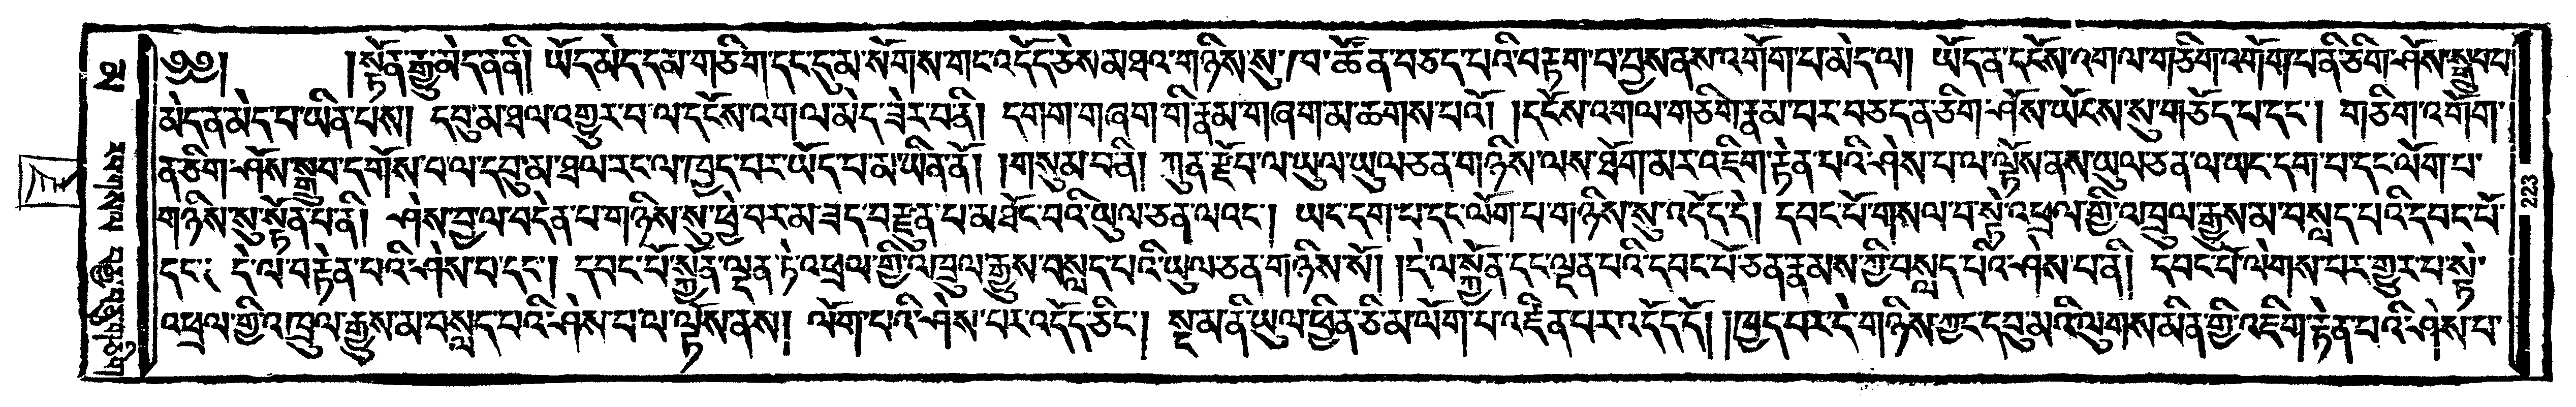༄༅། །སྟོན་རྒྱུ་མེད་ན་ནི། ཡོད་མེད་དམ་གཅིག་དང་དུ་མ་སོགས་གང་འདོད་ཅེས་མཐའ་གཉིས་སུ་ཁ་ཚོན་བཅད་པའི་བརྟག་པ་བྱས་ནས་འགོག་ས་མེད་ལ། ཡོད་ན་དངོས་འགལ་གཅིག་འགོག་པ་ནི་ཅིག་ཤོས་སྒྲུབ་པ་
མེད་ན་མེད་པ་ཡིན་པས། དབུ་མ་ཐལ་འགྱུར་བ་ལ་དངོས་འགལ་མེད་ཟེར་བ་ནི། དགག་གཞག་གི་རྣམ་གཞག་མ་ཆགས་པའོ། །དངོས་འགལ་གཅིག་རྣམ་པར་བཅད་ན་ཅིག་ཤོས་ཡོངས་སུ་གཅོད་པ་དང་། གཅིག་འགོག་
ན་ཅིག་ཤོས་སྒྲུབ་དགོས་པ་ལ་དབུ་མ་ཐལ་རང་ལ་ཁྱད་པར་ཡོད་པ་མ་ཡིན་ནོ། །གསུམ་པ་ནི། ཀུན་རྫོབ་ལ་ཡུལ་ཡུལ་ཅན་གཉིས་ལས་ཐོག་མར་འཇིག་རྟེན་པའི་ཤེས་པ་ལ་ལྟོས་ནས་ཡུལ་ཅན་ལ་ཡང་དག་པ་དང་ལོག་པ་
གཉིས་སུ་སྟོན་པ་ནི། ཤེས་བྱ་ལ་བདེན་པ་གཉིས་སུ་ཕྱེ་བར་མ་ཟད་བརྫུན་པ་མཐོང་བའི་ཡུལ་ཅན་ལའང་། ཡང་དག་པ་དང་ལོག་པ་གཉིས་སུ་འདོད་དེ། དབང་པོ་གསལ་བ་སྟེ་འཕྲལ་གྱི་འཁྲུལ་རྒྱུས་མ་བསླད་པའི་དབང་པོ་
དང༑ དེ་ལ་བརྟེན་པའི་ཤེས་པ་དང་། དབང་པོ་སྐྱོན་ལྡན་ཏེ་འཕྲལ་གྱི་འཁྲུལ་རྒྱུས་བསླད་པའི་ཡུལ་ཅན་གཉིས་སོ། །དེ་ལ་སྐྱོན་དང་ལྡན་པའི་དབང་པོ་ཅན་རྣམས་ཀྱི་བསླད་པའི་ཤེས་པ་ནི། དབང་པོ་ལེགས་པར་གྱུར་པ་སྟེ་
འཕྲལ་གྱི་འཁྲུལ་རྒྱུས་མ་བསླད་པའི་ཤེས་པ་ལ་ལྟོས་ནས། ལོག་པའི་ཤེས་པར་འདོད་ཅིང་། སྔ་མ་ནི་ཡུལ་ཕྱིན་ཅི་མ་ལོག་པ་འཛིན་པར་འདོད་དོ། །ཁྱད་པར་དེ་གཉིས་ཀྱང་དབུ་མའི་ལུགས་མིན་གྱི་འཇིག་རྟེན་པའི་ཤེས་པ་